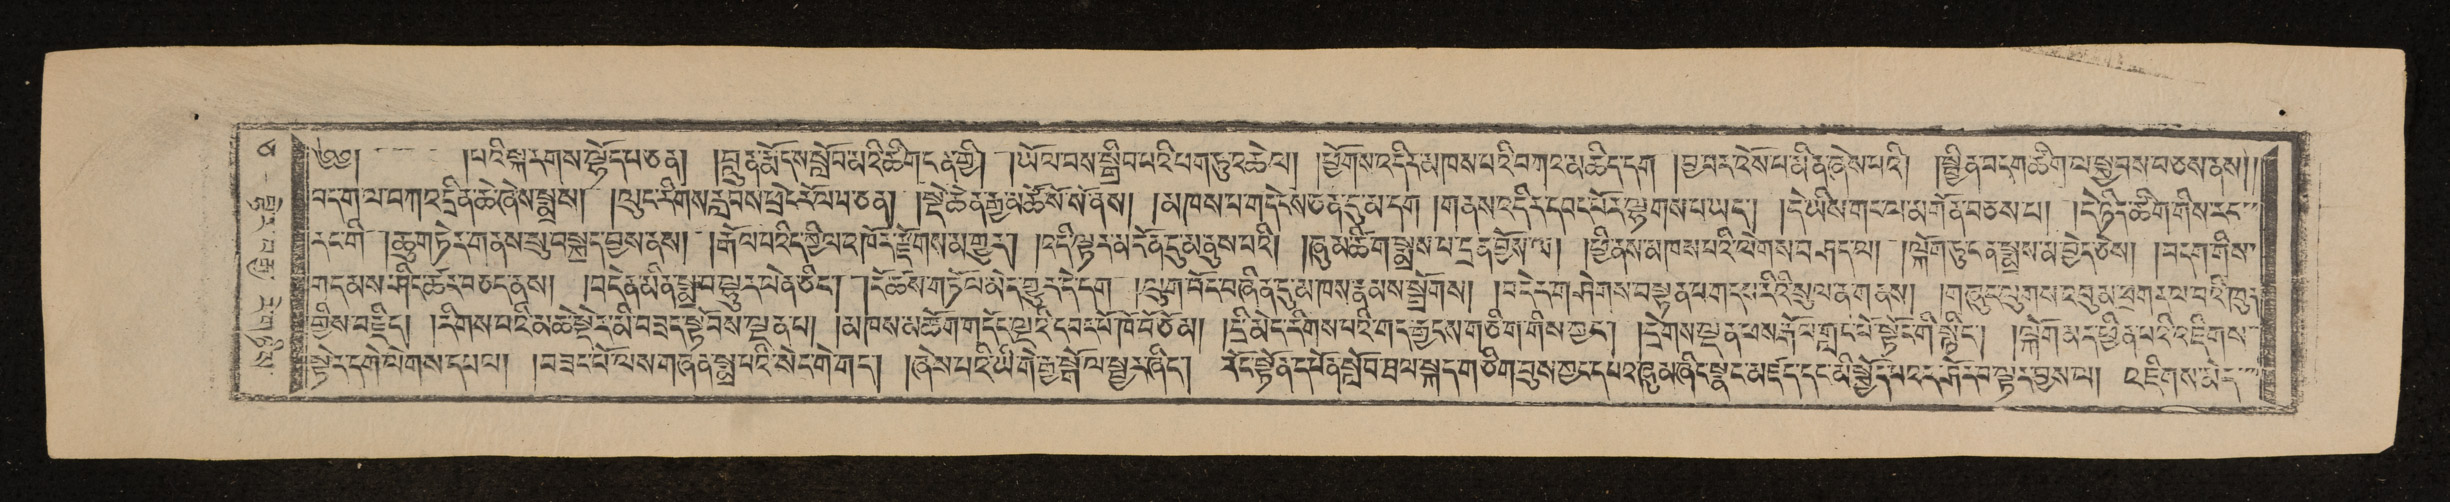༄༅། །པའི་སྐ་རགས་ལྷོད་པ་ཅན། །བླུན་རྨོངས་སློབ་མའི་ཚིག་ངན་གྱི། །ཡོལ་བས་སྒྲིབ་པའི་ཕག་ཏུ་འཆེལ། །ཕྱོགས་འདིར་མཁས་པའི་བཀའ་མཆིད་དག །བྱ་བར་འོས་པ་མིན་ཞེས་པའི། །སྦྱིན་བདག་ཚིག་ལ་སྐྱབས་བཅས་ནས།།
བདག་ལ་བཀའ་དྲིན་ཆེ་ཞེས་སྨྲས། །ལུང་རིགས་རླབས་ཕྲེང་རོལ་བ་ཅན། །སྡེ་ཆེན་རྒྱ་མཚོ་སོ་སོ་ནས། །མཁས་པ་གདེངས་ཅན་དུ་མ་དག །གནས་འདིར་དཔང་བོར་ལྷགས་པ་ཡང་། །དེ་ཡིས་གང་ལ་མགོན་བཅས་པ། །དེ་ཉིད་ཚིག་གིས་རང་
རང་གི །ཆུ་གཏེར་གནས་སུ་བསྐྲད་བྱས་ནས། །རྒོལ་བའི་དཀྱིལ་འཁོར་རྫོགས་མ་གྱུར། །འདི་ལྟར་མངོན་དུ་མ་ནུས་པའི། །ཞུམ་ཚིག་སྨྲས་པ་དྲན་བྱོས་ལ། །ཕྱི་ནས་མཁས་པའི་ལེགས་བཤད་ལ། །ལྐོག་ཏུ་ངན་སྨྲས་མ་བྱེད་ཅེས། །བདག་གིས་
གདམས་ཤིང་ཚར་བཅད་ནས། །བདེན་མིན་སྨྲ་བ་ལྷུར་ལེན་ཅིང་། །ངོ་ཚས་གཏོལ་མེད་གྱུར་དེ་དག །ལུག་བོང་བཞིན་དུ་མཁས་རྣམས་སྒྲོགས། །བདེར་གཤེགས་བསྟན་པ་གངས་རིའི་སུལ་ན་གནས། །གཞུང་ལུགས་འབུམ་ཕྲག་རལ་བའི་ཁུར་
གྱིས་བརྗིད། །རིགས་པའི་མཆེ་སྡེར་མི་བཟད་སྟོབས་ལྡན་པ། །མཁས་མཆོག་གདོང་ལྔའི་དབང་པོ་ཁོ་བོ་ཙམ། །དྲི་མེད་རིགས་པའི་གད་རྒྱངས་གཅིག་གིས་ཀྱང་། །དྲེགས་ལྡན་ཕས་རྒོལ་གླང་པོ་སྟོང་གི་སྙིང་། །ལྐོག་མར་ཕྱིན་པའི་འཇིགས་
སྟེར་དགེ་ལེགས་དཔལ། །བཟང་པོ་ལས་གཞན་སྨྲ་བའི་སེང་གེ་གང་། །ཞེས་པའི་ཡི་གེ་རྒྱ་སྒོ་ལ་སྦྱར་ཞིང་། རོང་སྟོན་དཔོན་སློབ་ཐལ་སྐད་གཅིག་པུས་ཀྱང་དཔའ་ཞུམ་ཞིང་སྣང་མཛད་དང་མི་སྐྱོད་པའང་ཤོར་བ་ལྟར་བྱས་ལ། འཇིགས་མེད་